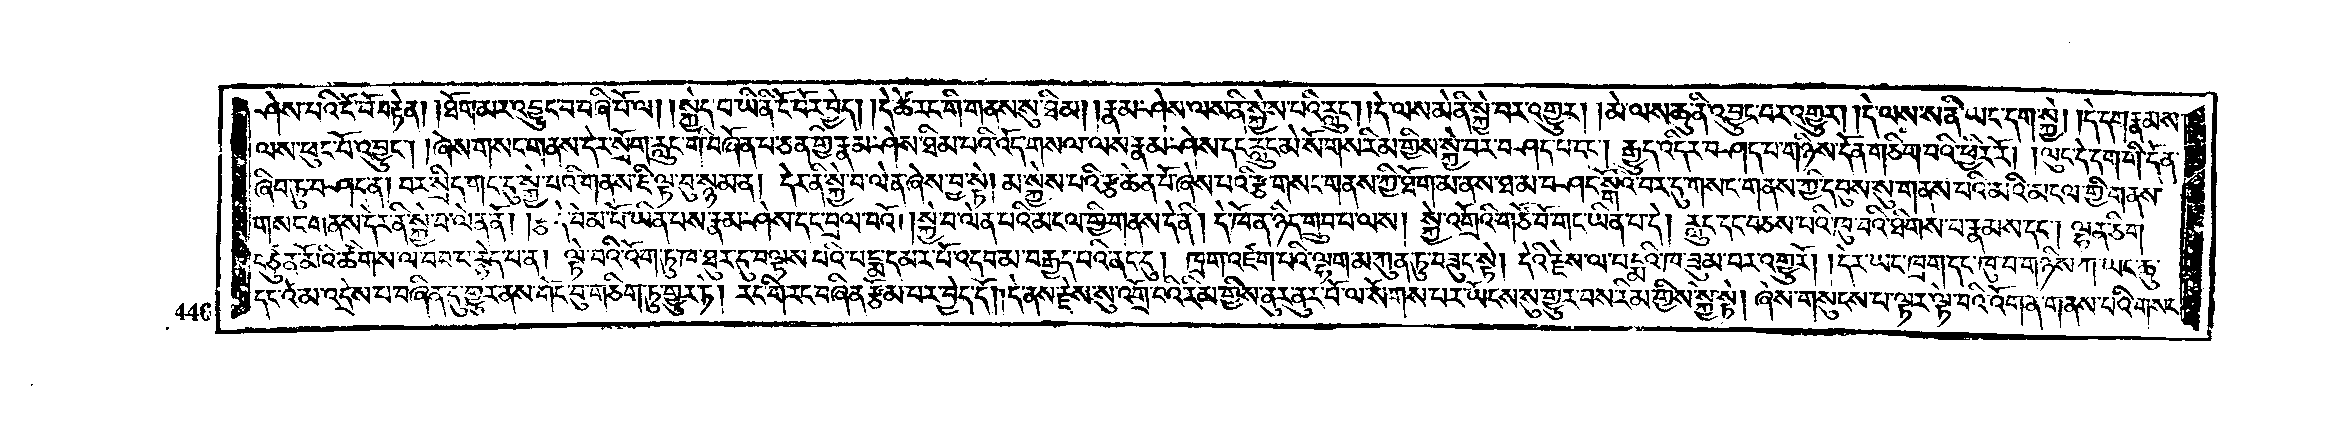ཤེས་པའི་ངོ་བོ་བརྟེན། །ཐོག་མར་འབྱུང་བ་བཞི་པོ་ལ། །སྐྱེད་པ་ཡི་ནི་ངོ་བོར་བྱེད། །དེ་ཚེ་རང་གི་གནས་སུ་ཐིམ། །རྣམ་ཤེས་ལས་ནི་སྐྱེས་པའི་རླུང་། །དེ་ལས་མེ་ནི་སྐྱེ་བར་འགྱུར། །མེ་ལས་ཆུ་ནི་འབྱུང་བར་འགྱུར། །དེ་ལས་ས་ནི་ཡང་དག་སྐྱེ། །དེ་དག་རྣམས་
ལས་ཕུང་པོ་འབྱུང་། །ཞེས་གསང་གནས་དེར་སྲོག་རླུང་གི་བཞོན་པ་ཅན་གྱི་རྣམ་ཤེས་ཐིམ་པའི་འོད་གསལ་ལས་རྣམ་ཤེས་དང་རླུང་མེ་སོགས་རིམ་གྱིས་སྐྱེ་བར་བཤད་པ་དང་། རྒྱུད་འདིར་བཤད་པ་གཉིས་དོན་གཅིག་པའི་ཕྱིར་རོ། །ལུང་དེ་དག་གི་དོན་
ཞིབ་ཏུ་བཤད་ན། བར་སྲིད་གང་དུ་སྐྱེ་བའི་གནས་ཇི་ལྟ་བུ་སྙམ་ན། དེར་ནི་སྐྱེ་བ་ལེན་ཞེས་བྱ་སྟེ། མ་སྐྱེས་པའི་རྩ་ཆེན་པོ་ཞེས་པའི་རྩ་གསང་གནས་ཀྱི་ཐོག་མ་ནས་ཐ་མ་བཤད་སྒོའི་བར་དུ་གསང་གནས་ཀྱི་དབུས་སུ་གནས་པའི་མའི་མངལ་གྱི་གནས་
གསང་གནས་དེར་ནི་སྐྱེ་བ་ལེན་ནོ། །རྩ་དེ་བེམ་པོ་ཡིན་པས་རྣམ་ཤེས་དང་བྲལ་བའོ། །སྐྱེ་བ་ལེན་པའི་མངལ་གྱི་གནས་དེ་ནི། དེ་ཁོ་ན་ཉིད་གྲུབ་པ་ལས། སྐྱེ་འགྲོའི་གཙོ་བོ་གང་ཡིན་པ་དེ། རླུང་དང་བཅས་པའི་ཁུ་བའི་ཐིགས་པ་རྣམས་དང་། ལྷན་ཅིག་
བཙུན་མོའི་ཚིགས་ལ་བབ་པ་རྙེད་པ་ན། ལྟེ་བའི་འོག་ཏུ་ཁ་ཐུར་དུ་བལྟས་པའི་པདམ་དམར་པོ་འདབ་མ་བརྒྱད་པའི་ནང་དུ། ཁྲག་འཛག་པའི་ལྷག་མ་ཀུན་ཏུ་བཟུང་སྟེ། དེའི་རྗེས་ལ་པདམའི་ཁ་ཟུམ་པར་འགྱུར་རོ། །དེར་ཡང་ཁྲག་དང་ཁུ་བ་གཉིས་ཀ་ཡང་ཆུ་
དང་འོ་མ་འདྲེས་པ་བཞིན་དུ་གྱུར་ནས་གོང་བུ་གཅིག་ཏུ་གྱུར་ཏེ། རང་གི་རང་བཞིན་རྩོམ་པར་བྱེད་དོ། །དེ་ནས་རྗེས་སུ་འགྲོ་བའི་རིམ་གྱིས་ནུར་ནུར་བོ་ལ་སོགས་པར་ཡོངས་སུ་གྱུར་བས་རིམ་གྱིས་སྐྱེ་སྟེ། ཞེས་གསུངས་པ་ལྟར་ལྟེ་བའི་འོག་ན་གནས་པའི་གསང་